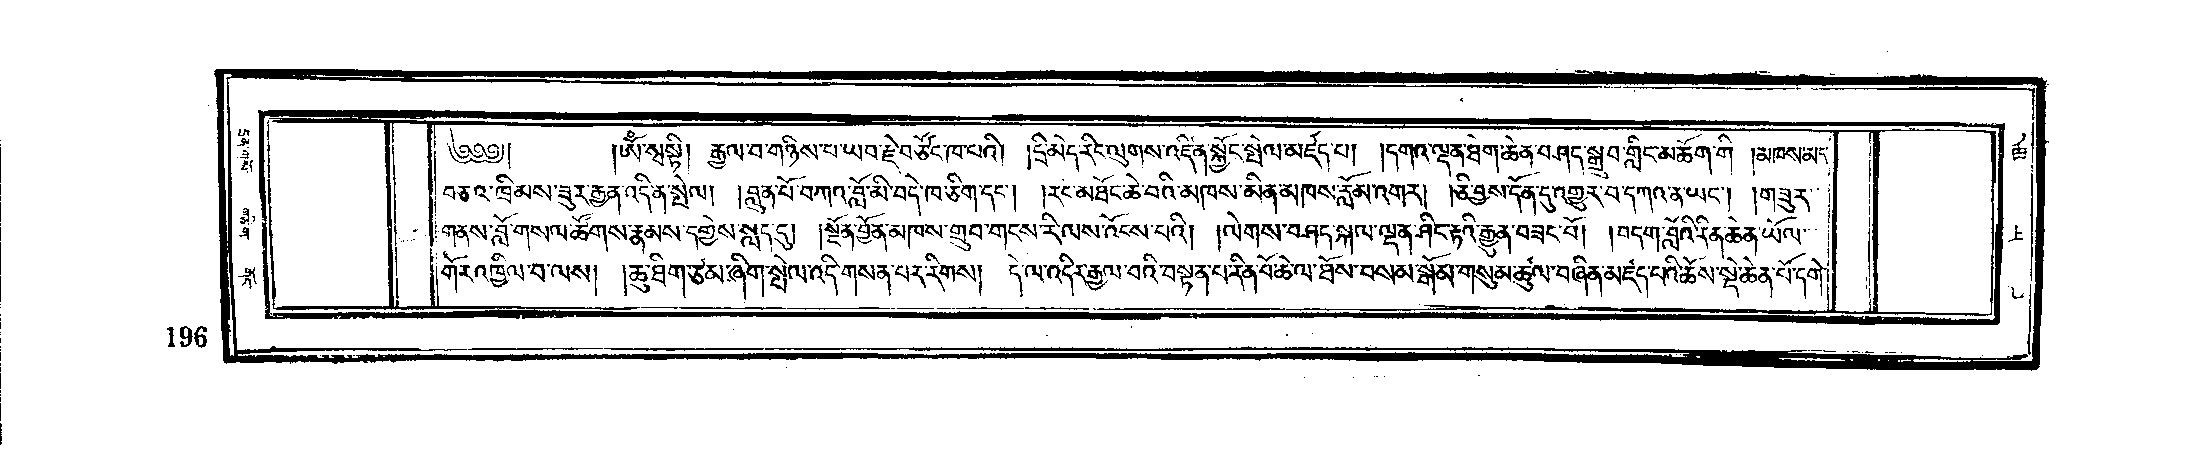༄༅༅། །ཨོཾ་སྭསྟི། རྒྱལ་བ་གཉིས་པ་ཡབ་རྗེ་བཙོང་ཁ་པའི། །དྲི་མེད་རིང་ལུགས་འཛིན་སྐྱོང་སྤེལ་མཛད་པ། །དགའ་ལྡན་ཐེག་ཆེན་བཤད་སྒྲུབ་གླིང་མཆོག་གི །མཁས་མང་
བཅའ་ཁྲིམས་ཟུར་རྒྱན་འདི་ན་སྤེལ། །བླུན་པོ་བཀའ་བློ་མི་བདེ་ཁ་ཅིག་དང་། །རང་མཐོང་ཆེ་བའི་མཁས་མིན་མཁས་རློམ་འགར། །ཅི་བྱས་དོན་དུ་འགྱུར་བ་དཀའ་ན་ཡང་། །གཟུར་
གནས་བློ་གསལ་ཚོགས་རྣམས་དགྱེས་སླད་དུ། །སྔོན་བྱོན་མཁས་གྲུབ་གངས་རི་ལས་འོངས་པའི། །ལེགས་བཤད་སྐལ་ལྡན་ཤིང་རྟའི་རྒྱུན་བཟང་པོ། །བདག་བློའི་རིན་ཆེན་ཡོལ་
གོར་འཁྱིལ་བ་ལས། །ཆུ་ཐིག་ཙམ་ཞིག་སྤེལ་འདི་གསན་པར་རིགས། དེ་ལ་འདིར་རྒྱལ་བའི་བསྟན་པ་རིན་པོ་ཆེ་ལ་ཐོས་བསམ་སྒོམ་གསུམ་ཚུལ་བཞིན་མཛད་པའི་ཆོས་སྡེ་ཆེན་པོ་དགེ་